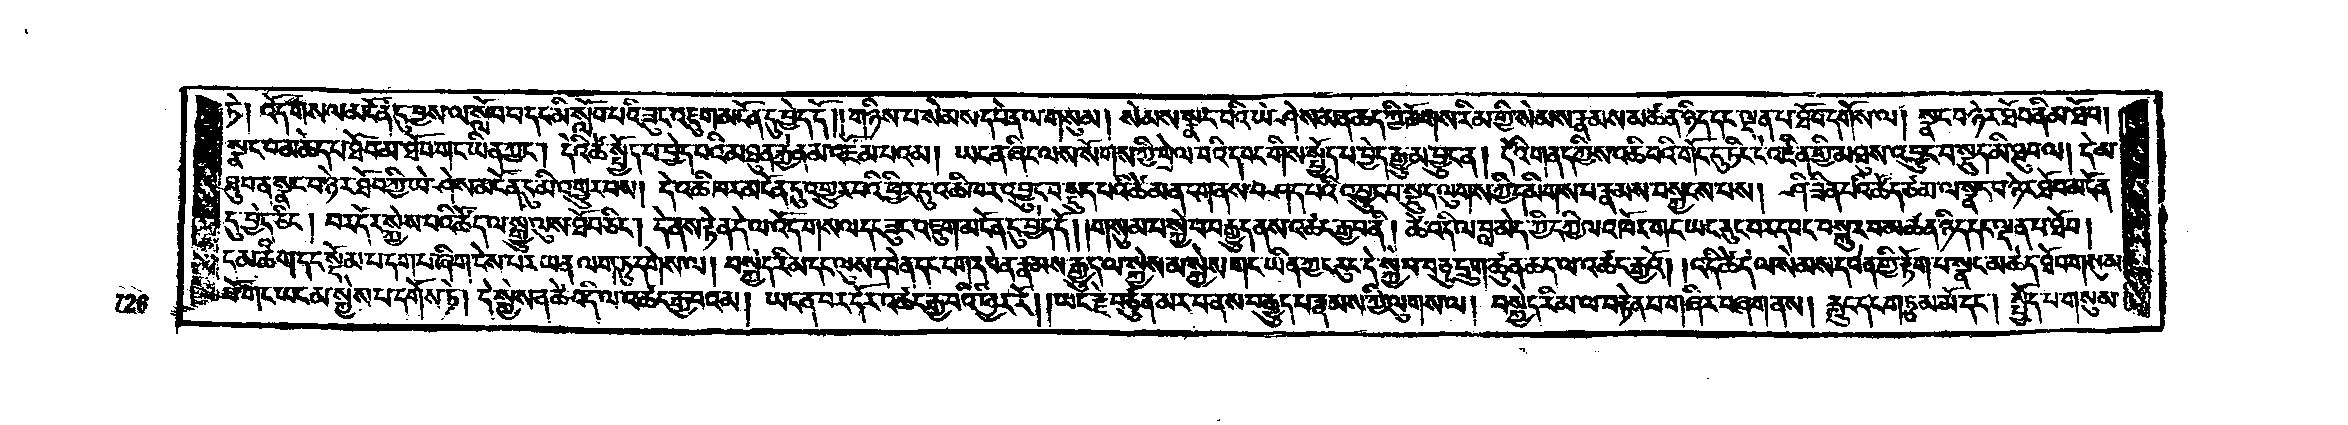ཏེ། འོད་གསལ་མངོན་དུ་བྱས་ལ་སློབ་པ་དང་མི་སློབ་པའི་ཟུང་འཇུག་མངོན་དུ་བྱེད་དོ། །གཉིས་པ་སེམས་དབེན་ལ་གསུམ། སེམས་སྣང་བའི་ཡེ་ཤེས་མན་ཆད་ཀྱི་རྫོགས་རིམ་གྱི་སེམས་རྣམས་མཚན་ཉིད་དང་ལྡན་པ་ཐོབ་དགོས་ལ། སྣང་བ་ཉེར་ཐོབ་ནི་མ་ཐོབ།
སྣང་བ་མཆེད་པ་ཐོབ་མ་ཐོབ་གང་ཡིན་ཀྱང་། དེའི་ཚེ་སྤྱོད་པ་བྱེད་པའི་མཐུན་རྐྱེན་མ་འཛོམ་པའམ། ཡང་ན་ཞིང་ལས་སོགས་ཀྱི་བྲེལ་བའི་དབང་གིས་སྤྱོད་པ་བྱེད་རྒྱུ་མ་བྱུང་ན། དེའི་གནད་ཀྱིས་འཆི་བའི་གོང་དུ་ཏིང་ངེ་འཛིན་གྱི་མཐུས་འབྱུང་བ་སྡུད་མི་ཐུབ་ལ། དེ་མ་
ཐུབ་ན་སྣང་བ་ཉེར་ཐོབ་ཀྱི་ཡེ་ཤེས་མངོན་དུ་མི་འགྱུར་བས། དེ་འཆི་ཁར་མངོན་དུ་འགྱུར་བའི་ཕྱིར་དུ་འཆི་ཁར་འབྱུང་བ་སྡུད་པའི་ཚེ་མན་ངག་ནས་བཤད་པའི་འབྱུང་བ་སྡུད་ལུགས་ཀྱི་དམིགས་པ་རྣམས་བསྐྱངས་པས། ཤི་ཟིན་པའི་ཚོད་ཙམ་ལ་སྣང་བ་ཉེར་ཐོབ་མངོན་
དུ་བྱེད་ཅིང་། བར་དོར་སྐྱེས་པའི་ཚོད་ལ་སྒྱུ་ལུས་ཐོབ་ཅིང་། དེ་ནས་རྟེན་དེ་ལ་འོད་གསལ་དང་ཟུང་འཇུག་མངོན་དུ་བྱེད་དོ། །གསུམ་པ་སྐྱེ་བ་བརྒྱུད་ནས་འཚང་རྒྱ་བ་ནི། ཚེ་འདི་ལ་བླ་མེད་ཀྱི་དཀྱིལ་འཁོར་གང་ཡང་རུང་བར་དབང་བསྐུར་བ་མཚན་ཉིད་དང་ལྡན་པ་ཐོབ།
དམ་ཚིག་དང་སྡོམ་པ་དག་པ་ཞིག་ངེས་པར་ཡན་ལག་ཏུ་དགོས་ལ། བསྐྱེད་རིམ་དང་ལུས་དབེན་དང་ངག་དབེན་རྣམས་རྒྱུད་ལ་སྐྱེས་མ་སྐྱེས་གང་ཡིན་ཀྱང་རུང་དེ་སྐྱེ་བ་བཅུ་དྲུག་ཚུན་ཆད་ལ་འཚང་རྒྱའོ། །འདི་ཚེ་དེ་ལ་སེམས་དབེན་གྱི་རྟོག་པ་སྣང་མཆེད་ཐོབ་གསུམ་
པོ་གང་ཡང་མ་སྐྱེས་པ་དགོས་ཏེ། དེ་སྐྱེས་ན་ཚེ་འདི་ལ་འཚང་རྒྱ་བའམ། ཡང་ན་བར་དོར་འཚང་རྒྱ་བའི་ཕྱིར་རོ། །ཡང་རྗེ་བཙུན་མར་པ་ནས་བརྒྱུད་པ་རྣམས་ཀྱི་ལུགས་ལ། བསྐྱེད་རིམ་ལ་བརྟེན་པ་གཞིར་བཞག་ནས། རླུང་དང་གཏུམ་མོ་དང་། སྤྱོད་པ་གསུམ་